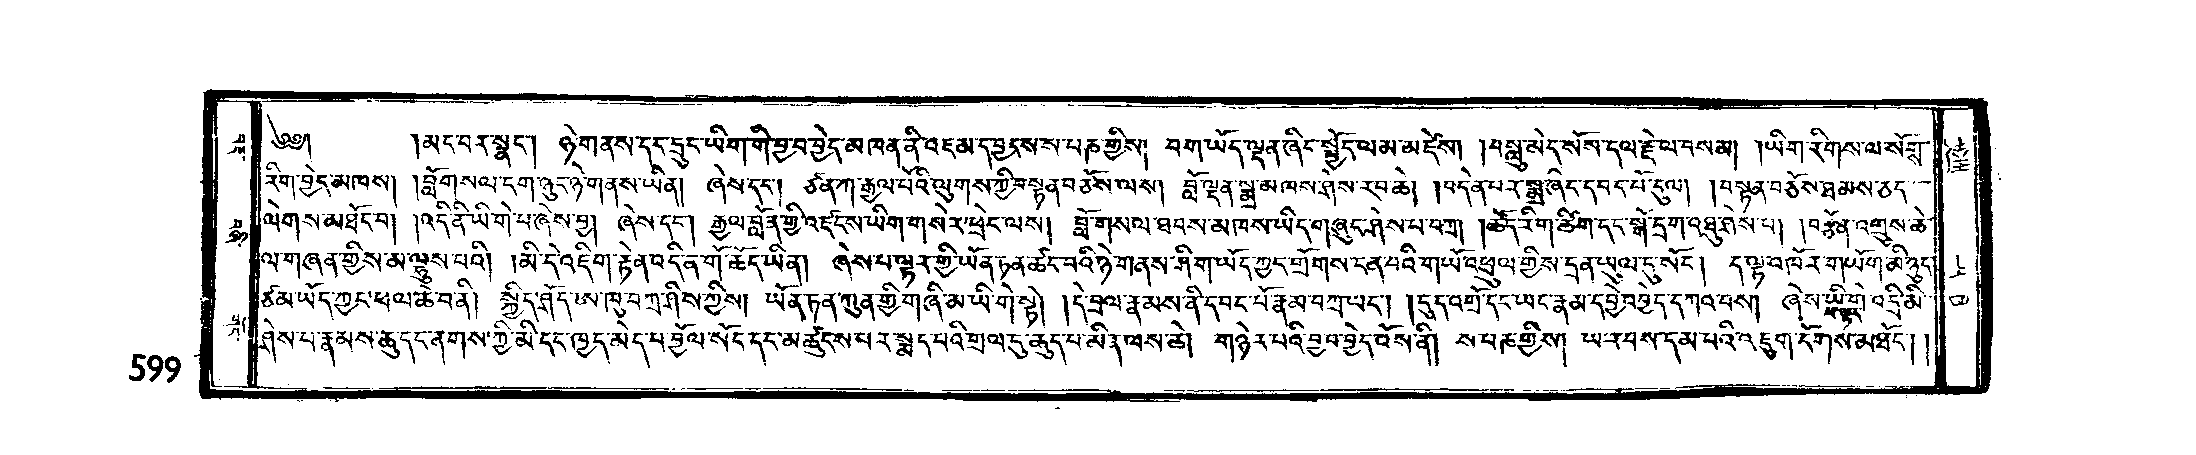༄༅། །མང་བར་སྣང་། ཉེ་གནས་དང་དྲུང་ཡིག་གི་བྱ་བ་བྱེད་མཁན་ནི་འཇམ་དབྱངས་ས་པཎ་གྱིས། བག་ཡོད་ལྡན་ཞིང་སྤྱོད་ལམ་མཛེས། །བསླུ་མེད་སོས་དལ་རྗེ་ལ་བསམ། །ཡིག་རིགས་ལ་སོགས་
རིག་བྱེད་མཁས། །བློ་གསལ་ངག་ཉུང་ཉེ་གནས་ཡིན། ཞེས་དང་། ཙན་ཀ་རྒྱལ་པོའི་ལུགས་ཀྱི་བསྟན་བཅོས་ལས། བློ་ལྡན་སྨྲ་མཁས་ཤེས་རབ་ཆེ། །བདེན་པར་སྨྲ་ཞིང་དབང་པོ་དུལ། །བསྟན་བཅོས་ཐམས་ཅད་
ལེགས་མཐོང་བ། །འདི་ནི་ཡི་གེ་པ་ཞེས་བྱ། ཞེས་དང་། རྒྱལ་བློན་གྱི་འཛངས་ཡིག་གསེར་ཕྲེང་ལས། བློ་གསལ་ཐབས་མཁས་ཡིད་གཞུང་ཤེས་པ་བཀྲ། །ཚོད་རིག་ཚིག་དང་སྒོ་དྲག་འཐུ་ཤེས་པ། །བརྩོན་འགྲུས་ཆེ་
ལ་གཞན་གྱིས་མ་ལྷུས་པའི། །མི་དེ་འཇིག་རྟེན་འདི་ན་གོ་ཆོད་ཡིན། ཞེས་པ་ལྟར་གྱི་ཡོན་ཏན་ཚང་བའི་ཉེ་གནས་ཤིག་ཡོད་ཀྱང་གྲོགས་ངན་པའི་གཡོ་འཕྲུལ་གྱིས་དྲན་ཡུལ་དུ་སོང་། ད་ལྟ་འཁོར་གཡོག་མི་ཉུང་
ཙམ་ཡོད་ཀྱང་ཕལ་ཆེ་བ་ནི། སྐྱིད་ཤོད་ཨ་ཁུ་བཀྲ་ཤིས་ཀྱིས། ཡོན་ཏན་ཀུན་གྱི་གཞི་མ་ཡི་གེ་སྟེ། །དེ་བྲལ་རྣམས་ནི་དབང་པོ་རྣམ་བཀྲ་ཡང་། །དུད་འགྲོ་དང་ཡང་རྣམ་དབྱེ་བ་བྱེད་དཀའ་བས། ཞེས་པ་ལྟར་ཡི་གེ་འདྲི་མི་
ཤེས་པ་རྣམས་ཆུ་དང་ནགས་ཀྱི་མི་དང་ཁྱད་མེད་པ་བྱོལ་སོང་དང་མཚུངས་པར་སྨད་པའི་གྲལ་དུ་ཆུད་པ་མིན་ལས་ཆེ། གཉེར་པའི་བྱ་བ་བྱེད་འོས་ནི། ས་པཎ་གྱིས། ཡ་རབས་དམ་པའི་འཇུག་ངོགས་མཐོང་། །